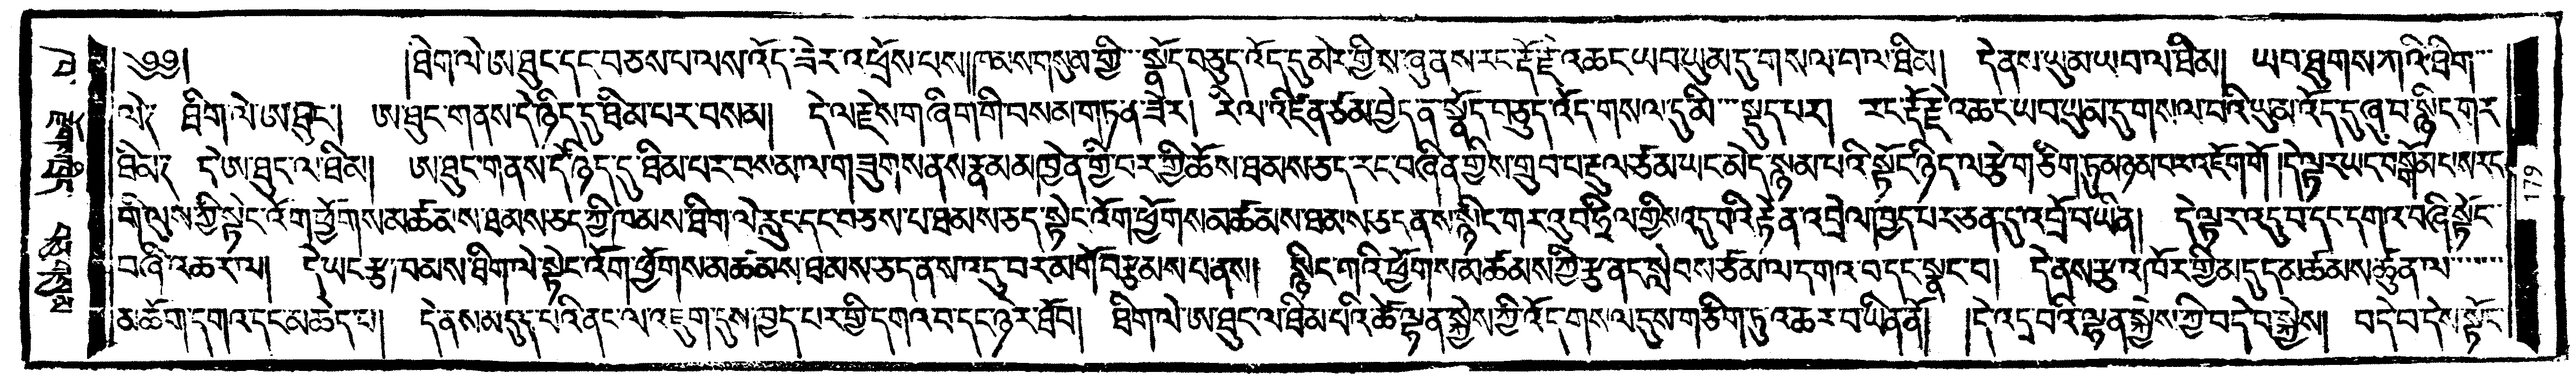༄༅། །ཐིག་ལེ་ཨ་ཐུང་དང་བཅས་པ་ལས་འོད་ཟེར་འཕྲོས་པས། །ཁམས་གསུམ་གྱི་སྣོད་བཅུད་འོད་དུ་མེར་གྱིས་ཞུ་ནས་རང་རྡོ་རྗེ་འཆང་ཡབ་ཡུམ་དུ་གསལ་བ་ལ་ཐིམ། དེ་ནས་ཡུམ་ཡབ་ལ་ཐིམ། ཡབ་ཐུགས་ཀའི་ཐིག་
ལེ༑ ཐིག་ལེ་ཨ་ཐུང་། ཨ་ཐུང་གནས་དེ་ཉིད་དུ་ཐིམ་པར་བསམ། དེ་ལ་རྗེས་གཞིག་གི་བསམ་གཏན་ཟེར། རིལ་འཛིན་ཙམ་བྱེད་ན་སྣོད་བཅུད་འོད་གསལ་དུ་མི་སྡུད་པར། རང་རྡོ་རྗེ་འཆང་ཡབ་ཡུམ་དུ་གསལ་བའི་ཡུམ་འོད་དུ་ཞུ་བ་སྙིང་གར་
ཐིམ༑ དེ་ཨ་ཐུང་ལ་ཐིམ། ཨ་ཐུང་གནས་དེ་ཉིད་དུ་ཐིམ་པར་བསམ་ལ་གཟུགས་ནས་རྣམ་མཁྱེན་གྱི་བར་གྱི་ཆོས་ཐམས་ཅད་རང་བཞིན་གྱིས་གྲུབ་པ་རྡུལ་ཙམ་ཡང་མེད་སྙམ་པའི་སྟོང་ཉིད་ལ་རྩེ་གཅིག་ཏུ་མཉམ་པར་འཇོག་གོ །དེ་ལྟར་ཡང་བསྒོམ་པས་རང་
གི་ལུས་ཀྱི་སྟེང་འོག་ཕྱོགས་མཚམས་ཐམས་ཅད་ཀྱི་ཁམས་ཐིག་ལེ་རླུང་དང་བཅས་པ་ཐམས་ཅད་སྟེང་འོག་ཕྱོགས་མཚམས་ཐམས་ཅད་ནས་སྙིང་གར་འུབ་ཧྲིལ་གྱིས་འདུ་བའི་རྟེན་འབྲེལ་ཁྱད་པར་ཅན་དུ་འབྲོ་པ་ཡིན། དེ་ལྟར་འདུབ་དང་དགའ་བཞི་སྟོང་
བཞི་འཆར་ལ། དེ་ཡང་རྩ་ཁམས་ཐིག་ལེ་སྟེང་འོག་ཕྱོགས་མཚམས་ཐམས་ཅད་ནས་འདུ་བར་མགོ་བརྩམས་པ་ནས། སྙིང་གའི་ཕྱོགས་མཚམས་ཀྱི་རྩ་ནང་སླེབས་ཙམ་ལ་དགའ་བ་དང་སྣང་བ། དེ་ནས་རྩ་འཁོར་གྱི་མདུད་མཚམས་ཚུན་ལ་
མཆོག་དགའ་དང་མཆེད་པ། དེ་ནས་མདུད་པའི་ནང་ལ་འཇུག་དུས་ཁྱད་པར་གྱི་དགའ་བ་དང་ཉེར་ཐོབ། ཐིག་ལེ་ཨ་ཐུང་ལ་ཐིམ་པའི་ཚེ་ལྷན་སྐྱེས་ཀྱི་འོད་གསལ་དུས་གཅིག་ཏུ་འཆར་བ་ཡིན་ནོ། །དེ་འདྲ་བའི་ལྷན་སྐྱེས་ཀྱི་བདེ་བ་སྐྱེས། བདེ་བ་དེས་སྟོང་